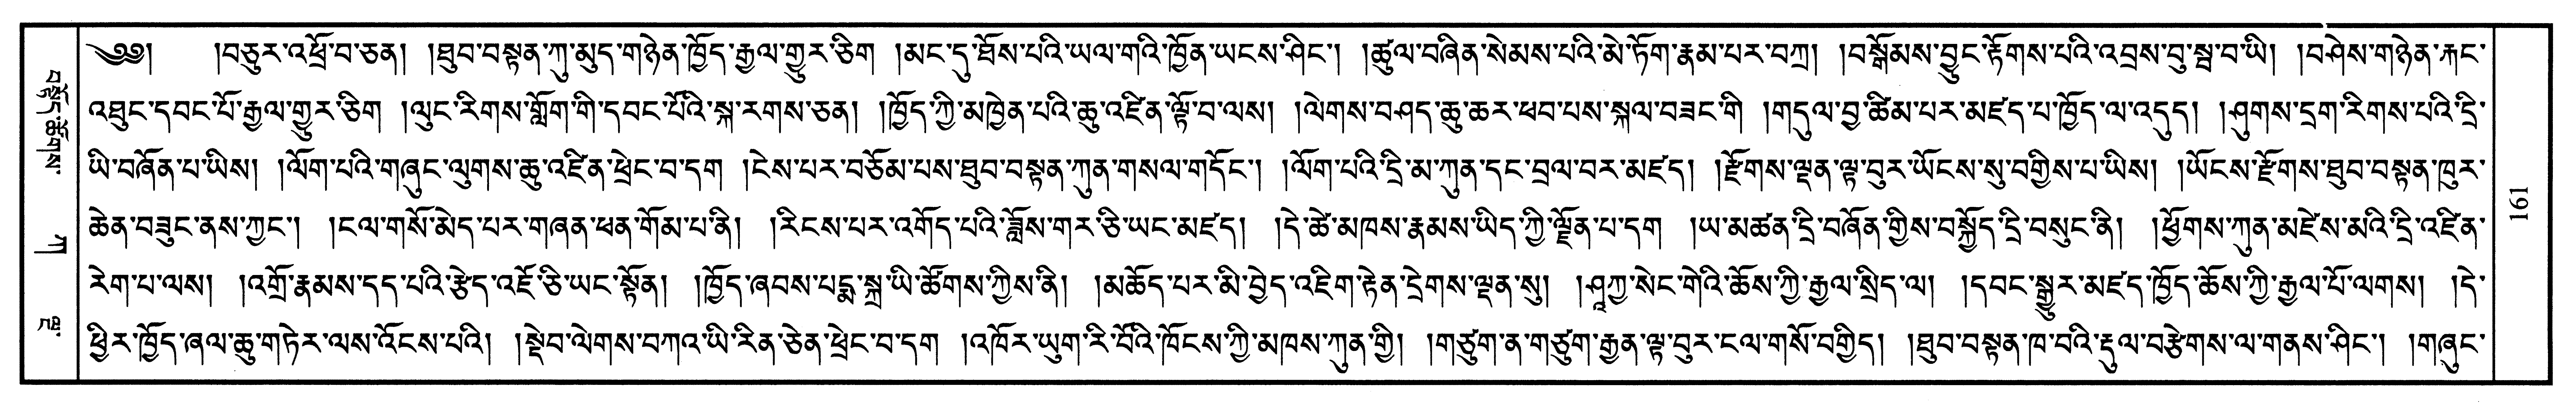༄༅། །བཅུར་འཕྲོ་བ་ཅན། །ཐུབ་བསྟན་ཀུ་མུད་གཉེན་ཁྱོད་རྒྱལ་གྱུར་ཅིག །མང་དུ་ཐོས་པའི་ཡལ་གའི་ཁྱོན་ཡངས་ཤིང་། །ཚུལ་བཞིན་སེམས་པའི་མེ་ཏོག་རྣམ་པར་བཀྲ། །བསྒོམས་བྱུང་རྟོགས་པའི་འབྲས་བུ་སྦ་བ་ཡི། །བཤེས་གཉེན་རྐང་
འཐུང་དབང་པོ་རྒྱལ་གྱུར་ཅིག །ལུང་རིགས་གློག་གི་དབང་པོའི་སྐ་རགས་ཅན། །ཁྱོད་ཀྱི་མཁྱེན་པའི་ཆུ་འཛིན་ལྟོ་བ་ལས། །ལེགས་བཤད་ཆུ་ཆར་ཕབ་པས་སྐལ་བཟང་གི །གདུལ་བྱ་ཚིམ་པར་མཛད་པ་ཁྱོད་ལ་འདུད། །ཤུགས་དྲག་རིགས་པའི་དྲི་
ཡི་བཞོན་པ་ཡིས། །ལོག་པའི་གཞུང་ལུགས་ཆུ་འཛིན་ཕྲེང་བ་དག །ངེས་པར་བཅོམ་པས་ཐུབ་བསྟན་ཀུན་གསལ་གདོང་། །ལོག་པའི་དྲི་མ་ཀུན་དང་བྲལ་བར་མཛད། །རྫོགས་ལྡན་ལྟ་བུར་ཡོངས་སུ་བགྱིས་པ་ཡིས། །ཡོངས་རྫོགས་ཐུབ་བསྟན་ཁུར་
ཆེན་བཟུང་ནས་ཀྱང་། །ངལ་གསོ་མེད་པར་གཞན་ཕན་གོམ་པ་ནི། །རིངས་པར་འགོད་པའི་ཟློས་གར་ཅི་ཡང་མཛད། །དེ་ཚེ་མཁས་རྣམས་ཡིད་ཀྱི་ལྗོན་པ་དག །ཡ་མཚན་དྲི་བཞོན་གྱིས་བསྐྱོད་དྲི་བསུང་ནི། །ཕྱོགས་ཀུན་མཛེས་མའི་དྲི་འཛིན་
རེག་པ་ལས། །འགྲོ་རྣམས་དད་པའི་རྩེད་འཇོ་ཅི་ཡང་སྟོན། །ཁྱོད་ཞབས་པདམ་སྐྲ་ཡི་ཚོགས་ཀྱིས་ནི། །མཆོད་པར་མི་བྱེད་འཇིག་རྟེན་དྲེགས་ལྡན་སུ། །ཤཱཀྱ་སེང་གེའི་ཆོས་ཀྱི་རྒྱལ་སྲིད་ལ། །དབང་སྒྱུར་མཛད་ཁྱོད་ཆོས་ཀྱི་རྒྱལ་པོ་ལགས། །དེ་
ཕྱིར་ཁྱོད་ཞལ་ཆུ་གཏེར་ལས་འོངས་པའི། །སྡེབ་ལེགས་བཀའ་ཡི་རིན་ཅེན་ཕྲེང་བ་དག །འཁོར་ཡུག་རི་བོའི་ཁོངས་ཀྱི་མཁས་ཀུན་གྱི། །གཙུག་ན་གཙུག་རྒྱན་ལྟ་བུར་ངལ་གསོ་བགྱིད། །ཐུབ་བསྟན་ཁ་བའི་རྡུལ་བརྩེགས་ལ་གནས་ཤིང་། །གཞུང་